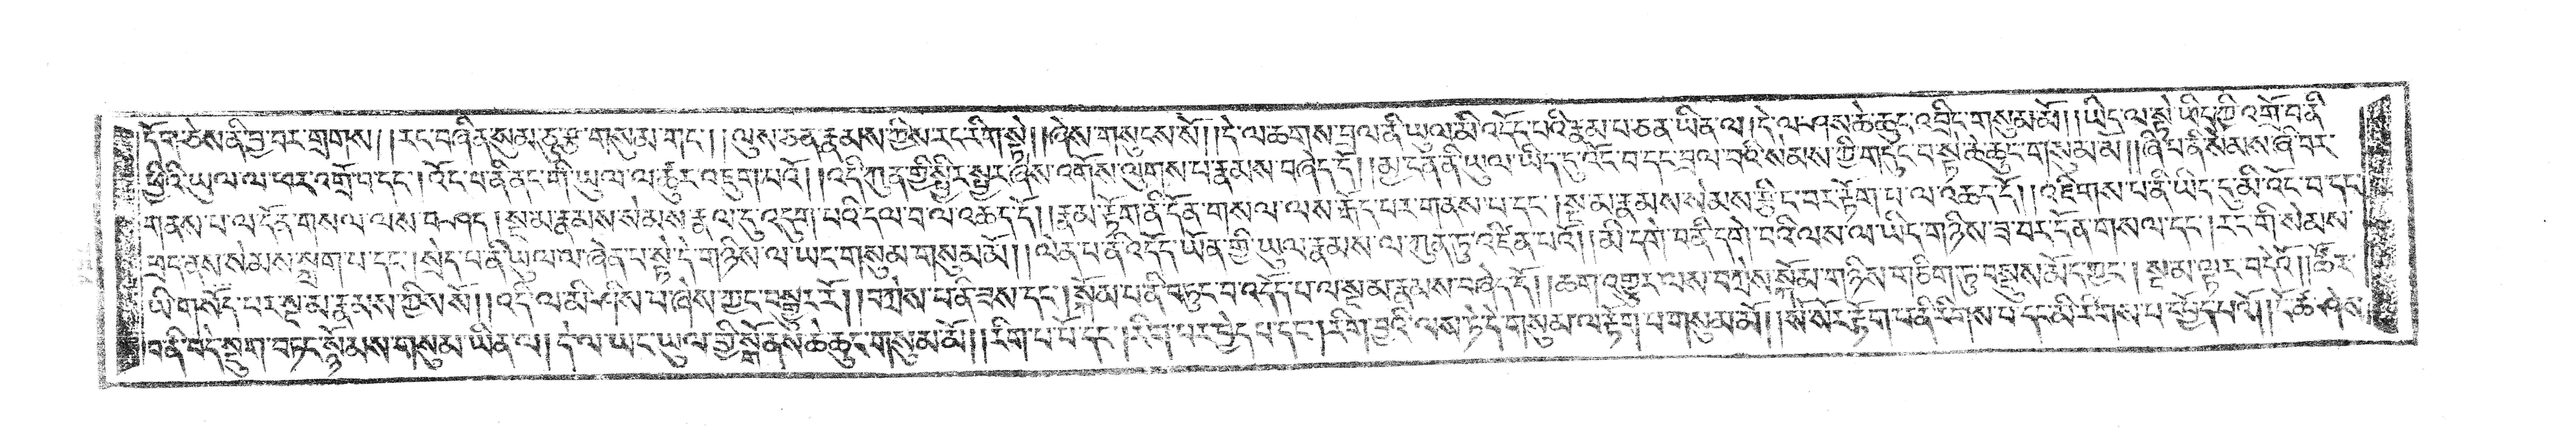དོག་ཅེས་ནི་བྱ་བར་གྲགས། །རང་བཞིན་སུམ་ཅུ་རྩ་གསུམ་གང་། །ལུས་ཅན་རྣམས་ཀྱིས་རང་རིག་སྟེ། །ཞེས་གསུངས་སོ། །དེ་ལ་ཆགས་བྲལ་ནི་ཡུལ་མི་འདོད་པའི་རྣམ་པ་ཅན་ཡིན་ལ། དེ་ལ་ཤས་ཆེ་ཆུང་འབྲིང་གསུམ་མོ། །ཡིད་ལ་སྟེ་ཡིད་ཀྱི་འགྲོ་བ་ནི་
ཕྱིའི་ཡུལ་ལ་ཕར་འགྲོ་བ་དང་། འོང་བ་ནི་ནང་གི་ཡུལ་ལ་ཚུར་འཇུག་པའོ། །འདི་ཀུན་གྱི་སྤྱིར་སྦྱར་ཞེས་འགོས་ལུགས་པ་རྣམས་བཞེད་དོ། །མྱ་ངན་ནི་ཡུལ་ཡིད་དུ་འོང་བ་དང་བྲལ་བའི་སེམས་ཀྱི་གདུང་བ་སྟེ་ཆེ་ཆུང་གསུམ་མོ། །ཞི་པ་ནི་སེམས་ཞི་བར་
གནས་པ་ལ་དོན་གསལ་ལས་བཤད། སྔ་མ་རྣམས་སེམས་རྣལ་དུ་འདུག་པའི་དལ་བ་ལ་འཆད་དོ། །རྣམ་རྟོག་ནི་དོན་གསལ་ལས་རྒོད་པར་གནས་པ་དང་། སྔ་མ་རྣམས་སེམས་རྩིང་བར་རྟོག་པ་ལ་འཆད་དོ། །འཇིགས་པ་ནི་ཡིད་དུ་མི་འོང་བ་དང་
ཕྲད་ནས་སེམས་སྐྲག་པ་དང་། སྲེད་པ་ནི་ཡུལ་ལ་ཞེན་པ་སྟེ་དེ་གཉིས་ལ་ཡང་གསུམ་གསུམ་མོ། །ལེན་པ་ནི་འདོད་ཡོན་གྱི་ཡུལ་རྣམས་ལ་ཀུན་ཏུ་འཛིན་པའོ། །མི་དགེ་བ་ནི་དགེ་བའི་ལས་ལ་ཡིད་གཉིས་ཟ་བར་དོན་གསལ་དང་། རང་གི་སེམས་
ཡི་གསོད་པར་སྔ་མ་རྣམས་ཀྱིས་སོ། །འདི་ལ་མི་ཤིས་པ་ཞེས་ཀྱང་བསྒྱུར་རོ། །བཀྲེས་པ་ནི་ཟས་དང་། སྐོམ་པ་ནི་བཏུང་བ་འདོད་པ་ལ་སྔ་མ་རྣམས་བཞེད་དོ། །ཆག་འགྱུར་ལས་བཀྲེས་སྐོམ་གཉིས་གཅིག་ཏུ་བསྡུས་མོད་ཀྱང་། སྔ་མ་ལྟར་བདེའོ། །ཚོར་
བ་ནི་བདེ་སྡུག་བཏང་སྙོམས་གསུམ་ཡིན་ལ། དེ་ལ་ཡང་ཡུལ་གྱི་སྒོ་ནས་ཆེ་ཆུང་གསུམ་མོ། །རིག་པ་པོ་དང་། རིག་པར་བྱེད་པ་དང་། རིག་བྱའི་ལས་ཏེ་དེ་གསུམ་ལ་རྟོག་པ་གསུམ་མོ། །སོ་སོར་རྟོག་པ་ནི་རིགས་པ་དང་མི་རིགས་པ་དཔྱོད་པའོ། །ངོ་ཚ་ཤེས་